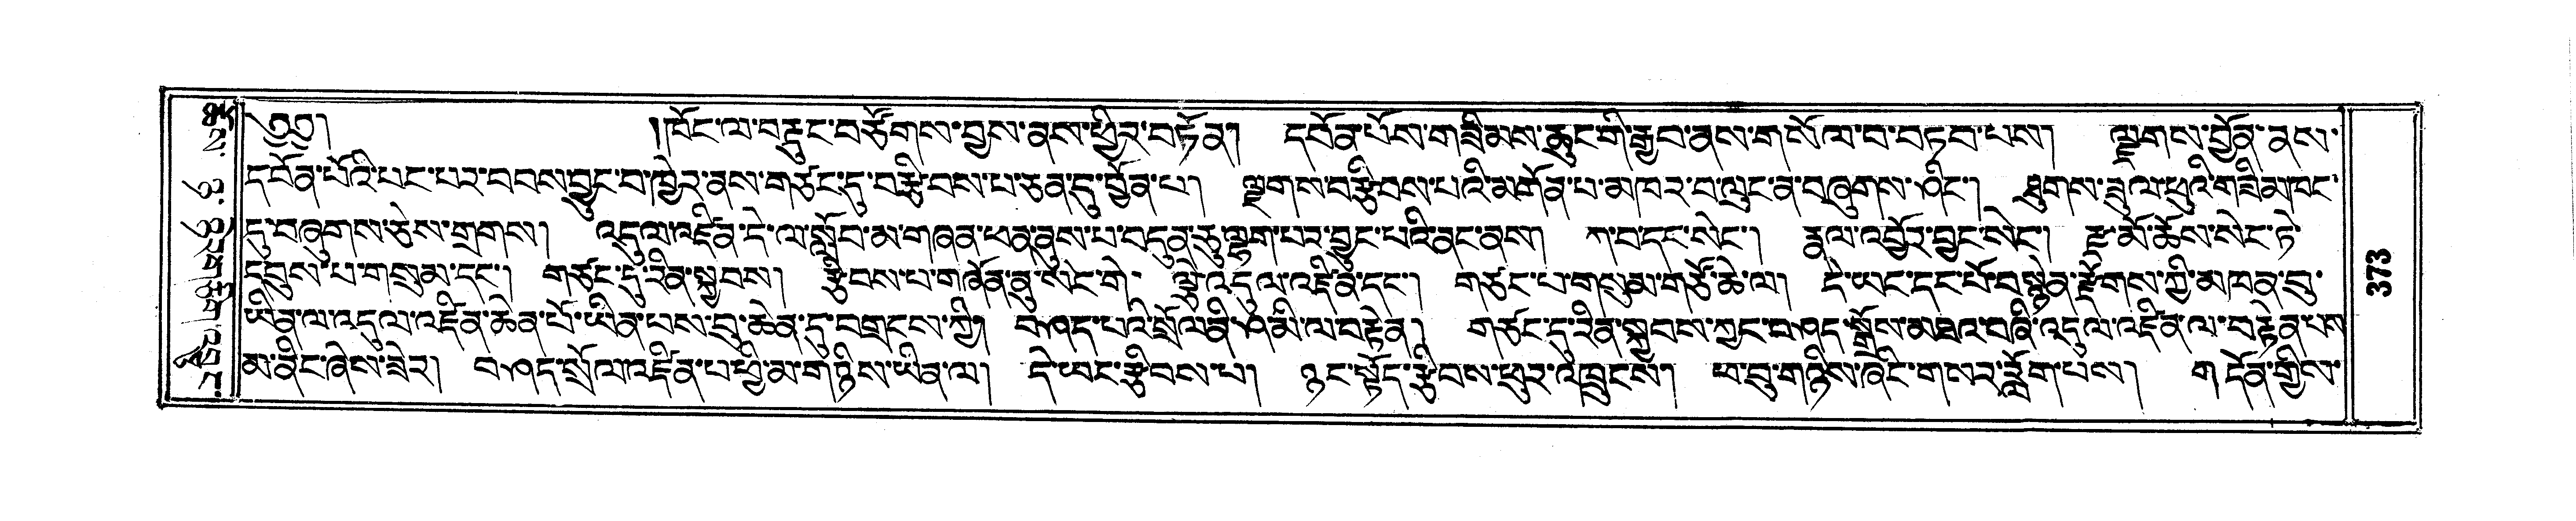༄༅། །ཁོང་ལ་བརྡུང་བཙོགས་བྱས་ནས་ཕྱིར་བཏོན། དབོན་པོས་གཟིམས་ཆུང་གི་རྒྱབ་ནས་གསོལ་བ་བཏབ་པས། ལྗགས་བྱོན་ནས་
དབོན་པོའི་པང་པར་བབས་བྱུང་བ་ཁྱེར་ནས་གཙང་དུ་བརྩི་བས་པ་ཅན་དུ་བྱོན་པ། ལྗགས་བརྩིབས་པའི་མགོན་པ་མཁར་བ་ལུང་ན་བཞུགས་ཤིང་། ཐུགས་ཟུལ་ཕུའི་གཟིམ་ཁང་
དུ་བཞུགས་ཅེས་གྲགས། འདུལ་འཛིན་དེ་ལ་སློབ་མ་གཞན་ཕན་ནུས་པ་བདུན་ཅུ་ལྷག་པར་བྱུང་པའི་ནང་ནས། ཀ་བ་དང་སེང་། རྣལ་འབྱོར་བྱུང་སེང་། རྫ་མོ་ཆོས་སེང་ཏེ་
དབུས་པ་གསུམ་དང་། གཙང་དུ་རིན་སྐྱབས། རྩིབས་པ་གཞོན་ནུ་སེང་གེ་ལྕེ་འདུལ་འཛིན་དང་། གཙང་པ་གསུམ་གཙོ་ཆེ་ལ། དེ་ཡང་དང་པོ་བསྙེན་རྫོགས་ཀྱི་མཁན་བུ་
ཡིན་ལ་འདུལ་འཛིན་ཆེན་པོ་ཡིན་པས་བུ་ཆེན་དུ་བགྲངས་ཀྱི། བཤད་པའི་སྲོལ་ནི་ཤ་མི་ལ་བརྟེན། གཙང་དུ་རིན་སྐྱབས་ཀྱང་བཤད་སྒྲོས་མཐའ་བཞི་འདུལ་འཛིན་ལ་བརྟེན་ནས་
མ་ནིང་ཞེས་ཟེར། བཤད་སྲོལ་འཛིན་པ་ཕྱི་མ་གཉིས་ཡིན་ལ། དེ་ཡང་སྟོད་རྩིབས་ཕུར་འཁྲུངས། ཕ་བུ་གཉིས་ཞིང་གསར་རློག་པས། གདོན་གྱིས་